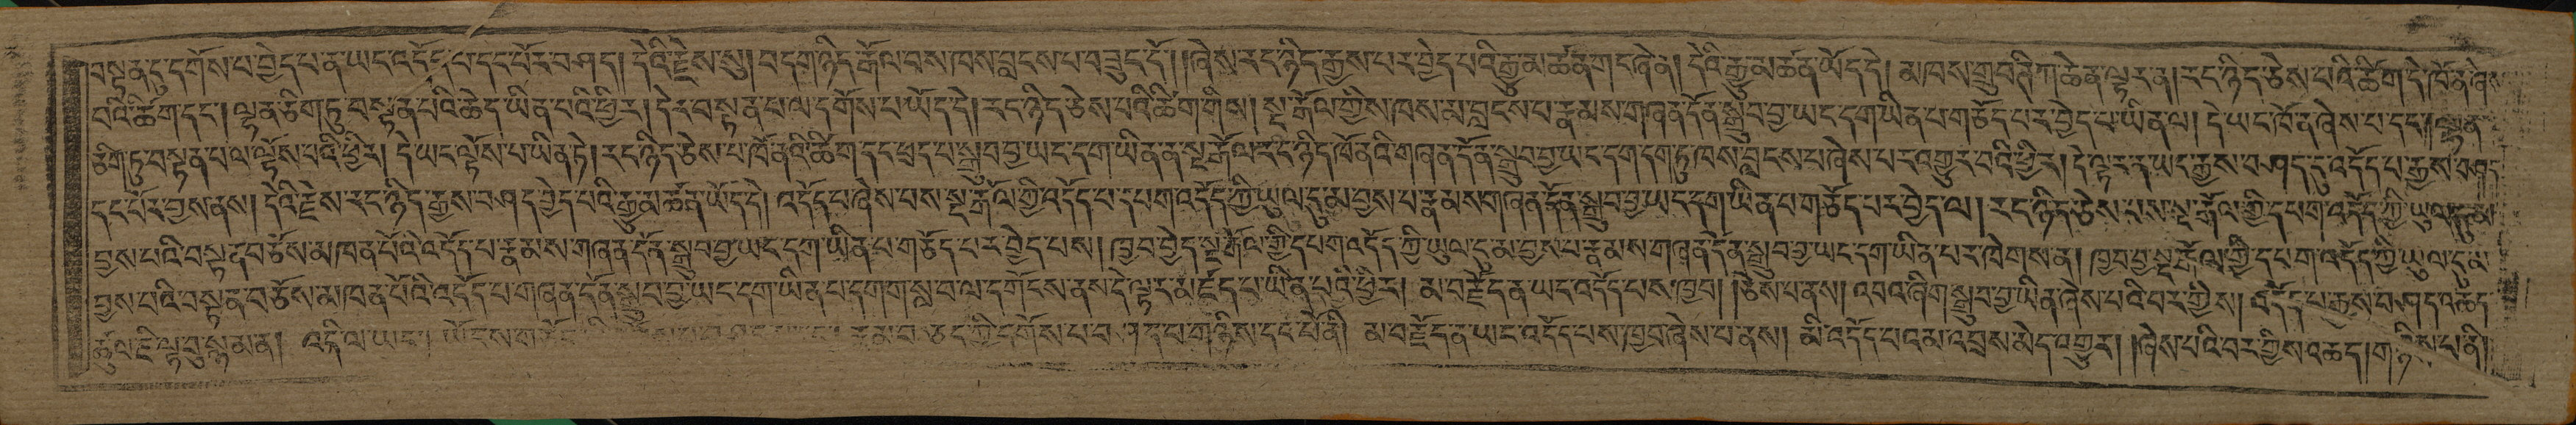བསྟན་དུ་དགོས་པ་བྱེད་པ་ན་ཡང་འདོད་པ་དང་པོར་བཤད། དེའི་རྗེས་སུ། བདག་ཉིད་རྒོལ་བས་ཁས་བླངས་པ་བཟུང་ངོ། །ཞེས་རང་ཉིད་རྒྱས་པར་བྱེད་པའི་རྒྱུ་མཚན་གང་ཞེ་ན། དེའི་རྒྱུ་མཚན་ཡོད་དེ། མཁས་གྲུབ་ཊིཀ་ཆེན་ལྟར་ན། རང་ཉིད་ཅེས་པའི་ཚིག་དེ་ཁོ་ན་ཞེས་
བའི་ཚིག་དང་། ལྷན་ཅིག་ཏུ་བསྟན་པའི་ཆེད་ཡིན་པའི་ཕྱིར། དེར་བསྟན་པ་ལ་དགོས་པ་ཡོད་དེ། རང་ཉིད་ཅེས་པའི་ཚིག་གིས། སྔ་རྒོལ་གྱིས་ཁས་མ་བླངས་པ་རྣམས་གཞན་དོན་སྒྲུབ་བྱ་ཡང་དག་ཡིན་པ་གཅོད་པར་བྱེད་པ་ཡིན་ལ། དེ་ཡང་ཁོ་ན་ཞེས་པ་དང་། ལྷན་
ཅིག་ཏུ་བསྟན་པ་ལ་ལྟོས་པའི་ཕྱིར། དེ་ཡང་ལྟོས་པ་ཡིན་ཏེ། རང་ཉིད་ཅེས་པ་ཁོ་ནའི་ཚིག་དང་ཕྲད་པ་སྒྲུབ་བྱ་ཡང་དག་ཡིན་ན་སྔ་རྒོལ་རང་ཉིད་ཁོ་ནའི་གཞན་དོན་སྒྲུབ་བྱ་ཡང་དག་དག་ཏུ་ཁས་བླངས་པ་ཞེས་པར་འགྱུར་བའི་ཕྱིར། དེ་ལྟར་ན་ཡང་རྒྱས་བཤད་དུ་འདོད་པ་རྒྱས་བཤད་
དང་པོར་བྱས་ནས། དེའི་རྗེས་རང་ཉིད་རྒྱས་བཤད་བྱེད་པའི་རྒྱུ་མཚན་ཡོད་དེ། འདོད་པ་ཞེས་པས་སྔ་རྒོལ་གྱི་འདོད་པ་དཔག་འདོད་ཀྱི་ཡུལ་དུ་མ་བྱས་པ་རྣམས་གཞན་དོན་སྒྲུབ་བྱ་ཡང་དག་ཡིན་པ་གཅོད་པར་བྱེད་ལ། རང་ཉིད་ཅེས་པས་སྔ་རྒོལ་གྱི་དཔག་འདོད་ཀྱི་ཡུལ་དུ་མ་
བྱས་པའི་བསྟན་བཅོས་མཁན་པོའི་འདོད་པ་རྣམས་གཞན་དོན་སྒྲུབ་བྱ་ཡང་དག་ཡིན་པ་གཅོད་པར་བྱེད་པས། ཁྱབ་བྱེད་སྔ་རྒོལ་གྱི་དཔག་འདོད་ཀྱི་ཡུལ་དུ་མ་བྱས་པ་རྣམས་གཞན་དོན་སྒྲུབ་བྱ་ཡང་དག་ཡིན་པར་ཁེགས་ན། ཁྱབ་བྱ་སྔ་རྒོལ་གྱི་དཔག་འདོད་ཀྱི་ཡུལ་དུ་མ་
བྱས་པའི་བསྟན་བཅོས་མཁན་པོའི་འདོད་པ་གཞན་དོན་སྒྲུབ་བྱ་ཡང་དག་ཡིན་པ་དགག་སླ་བ་ལ་དགོངས་ནས་དེ་ལྟར་མཛད་པ་ཡིན་པའི་ཕྱིར། མ་བརྗོད་ན་ཡང་འདོད་པས་ཁྱབ། །ཅེས་པ་ནས། འབའ་ཞིག་སྒྲུབ་བྱ་ཡིན་ཞེས་པའི་བར་གྱིས། འདོད་པ་རྒྱས་བཤད་འཆད་
ཚུལ་ཇི་ལྟ་བུ་སྙམ་ན། འདི་ལ་ཡང་། ཡོངས་གཅོད་ཀྱི་དགོས་པ་བཤད་པ་དང་། རྣམ་བཅད་ཀྱི་དགོས་པ་བཤད་པ་གཉིས་དང་པོ་ནི། མ་བརྗོད་ན་ཡང་འདོད་པས་ཁྱབ་ཞེས་པ་ནས། མི་འདོད་པའམ་འབྲས་མེད་འགྱུར། །ཞེས་པའི་བར་གྱིས་འཆད། གཉིས་པ་ནི། །